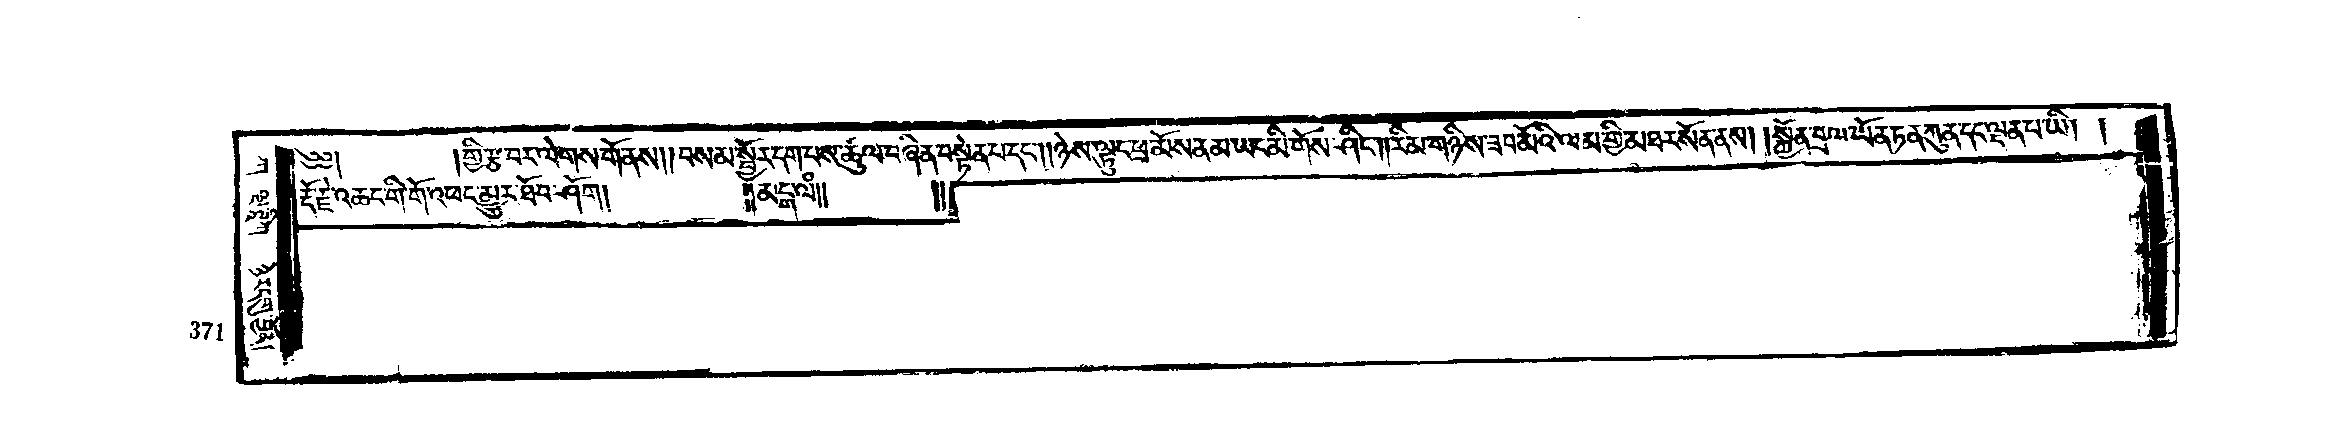༄༅། །གྱི་རྩ་བར་ལེགས་གོ་ནས། །བསམ་སྦྱོར་དག་པས་ཚུལ་བཞིན་བསྟེན་པ་དང་། །ཉེས་ལྟུང་ཕྲ་མོས་ནམ་ཡང་མི་གོས་ཤིང་། །རིམ་གཉིས་ཟབ་མོའི་ལམ་གྱི་མཐར་སོན་ནས། །སྐྱོན་བྲལ་ཡོན་ཏན་ཀུན་དང་ལྡན་པ་ཡི། །
རྡོ་རྗེ་འཆང་གི་གོ་འཕང་མྱུར་ཐོབ་ཤོག ། །།མངྒ་ལཾ།། །།